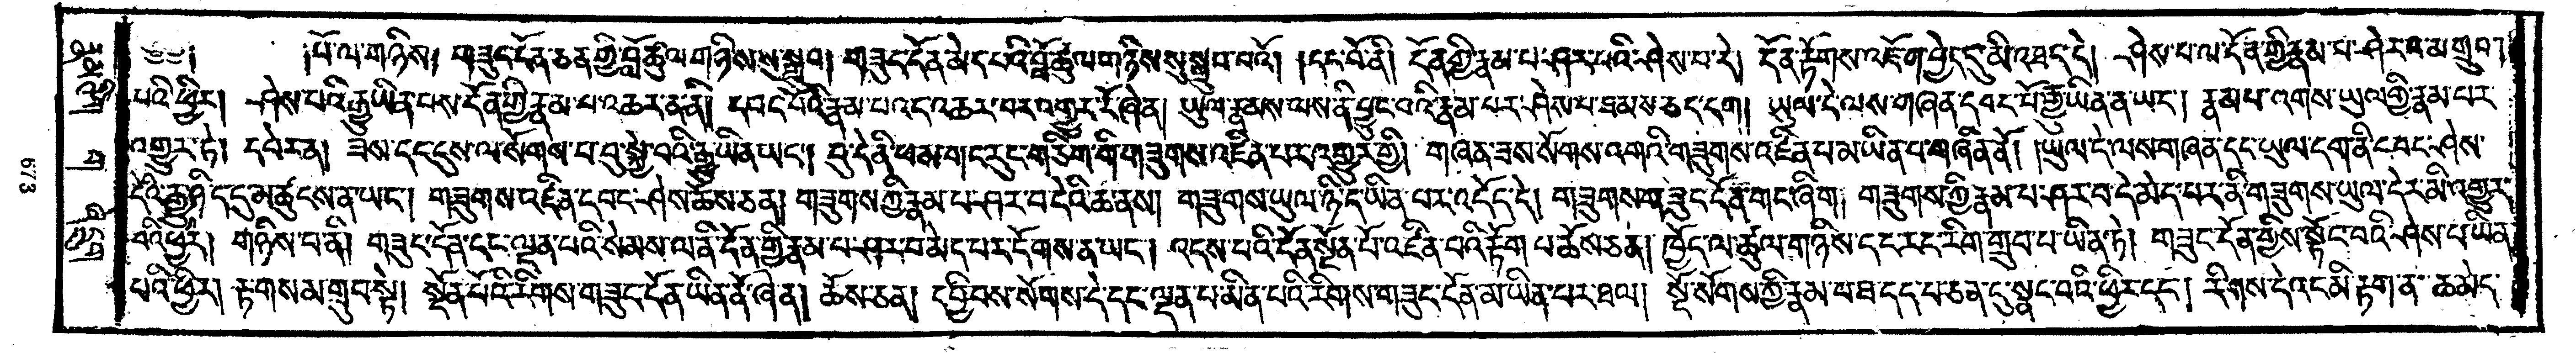༄༅། །པོ་ལ་གཉིས། གཟུང་དོན་ཅན་གྱི་བློ་ཚུལ་གཉིས་སུ་སྒྲུབ། གཟུང་དོན་མེད་པའི་བློ་ཚུལ་གཉིས་སུ་སྒྲུབ་པའོ། །དང་པོ་ནི། དོན་གྱི་རྣམ་པ་ཤར་པའི་ཤེས་པ་རེ། དོན་རྟོགས་འཇོག་བྱེད་དུ་མི་འཐད་དེ། ཤེས་པ་ལ་དོན་གྱི་རྣམ་པ་ཤེར་བ་མ་གྲུབ།
པའི་ཕྱིར། ཤེས་པའི་རྒྱུ་ཡིན་པས་དོན་གྱི་རྣམ་པ་འཆར་ན་ནི། དབང་པོའི་རྣམ་པའང་འཆར་བར་འགྱུར་རོ་ཞེ་ན། ཡུལ་རྣམས་ལས་ནི་བྱུང་བའི་རྣམ་པར་ཤེས་པ་ཐམས་ཅད་དག། ཡུལ་དེ་ལས་གཞན་དབང་པོ་རྒྱུ་ཡིན་ན་ཡང་། རྣམ་པ་འགས་ཡུལ་གྱི་རྣམ་པར་
འགྱུར་ཏེ། དཔེར་ན། ཟས་དང་དུས་ལ་སོགས་པ་བུ་སྐྱེ་བའི་རྒྱུ་ཡིན་ཡང་། བུ་དེ་ནི་ཕམ་གང་རུང་གཅིག་གི་གཟུགས་འཛིན་པར་འགྱུར་གྱི། གཞན་ཟས་སོགས་འགའི་གཟུགས་འཛིན་པ་མ་ཡིན་པ་གཞིན་ནོ། །ཡུལ་དེ་ལས་གཞན་དང་ཡུལ་དག་ནི་དབང་ཤེས་
དེའི་རྒྱུ་ཉིད་དུ་མཚུངས་ན་ཡང་། གཟུགས་འཛིན་དབང་ཤེས་ཆོས་ཅན། གཟུགས་ཀྱི་རྣམ་པ་ཤར་བ་དེའི་ཆ་ནས། གཟུགས་ཡུལ་ཉིད་ཡིན་པར་འདོད་དེ། གཟུགས་གཟུང་དོན་གང་ཞིག། གཟུགས་ཀྱི་རྣམ་པ་ཤར་བ་དེ་མེད་པར་ནི་གཟུགས་ཡུལ་དེར་མི་འགྱུར་
བའི་ཕྱིར། གཉིས་པ་ནི། གཟུང་དོན་དང་ལྡན་པའི་སེམས་ལ་ནི་དོན་གྱི་རྣམ་པ་ཤར་བ་མེད་པར་དོགས་ན་ཡང་། འདས་པའི་དོན་སྔོན་པོ་འཛིན་པའི་རྟོག་པ་ཆོས་ཅན། ཁྱོད་ལ་ཚུལ་གཉིས་དང་རང་རིག་གྲུབ་པ་ཡིན་ཏེ། གཟུང་དོན་གྱིས་སྟོང་པའི་ཤེས་པ་ཡིན་
པའི་ཕྱིར། རྟགས་མ་གྲུབ་སྟེ། སྔོན་པོའི་རིགས་གཟུང་དོན་ཡིན་ནོ་ཞེ་ན། ཆོས་ཅན། དབྱིབས་སོགས་དེ་དང་ལྡན་པ་མིན་པའི་རིགས་གཟུང་དོན་མ་ཡིན་པར་ཐལ། སྔོ་སོགས་ཀྱི་རྣམ་པ་ཐ་དད་པ་ཅན་དུ་སྣང་བའི་ཕྱིར་དང་། རིགས་དེའང་མི་རྟག་ན་ཆ་མེད་